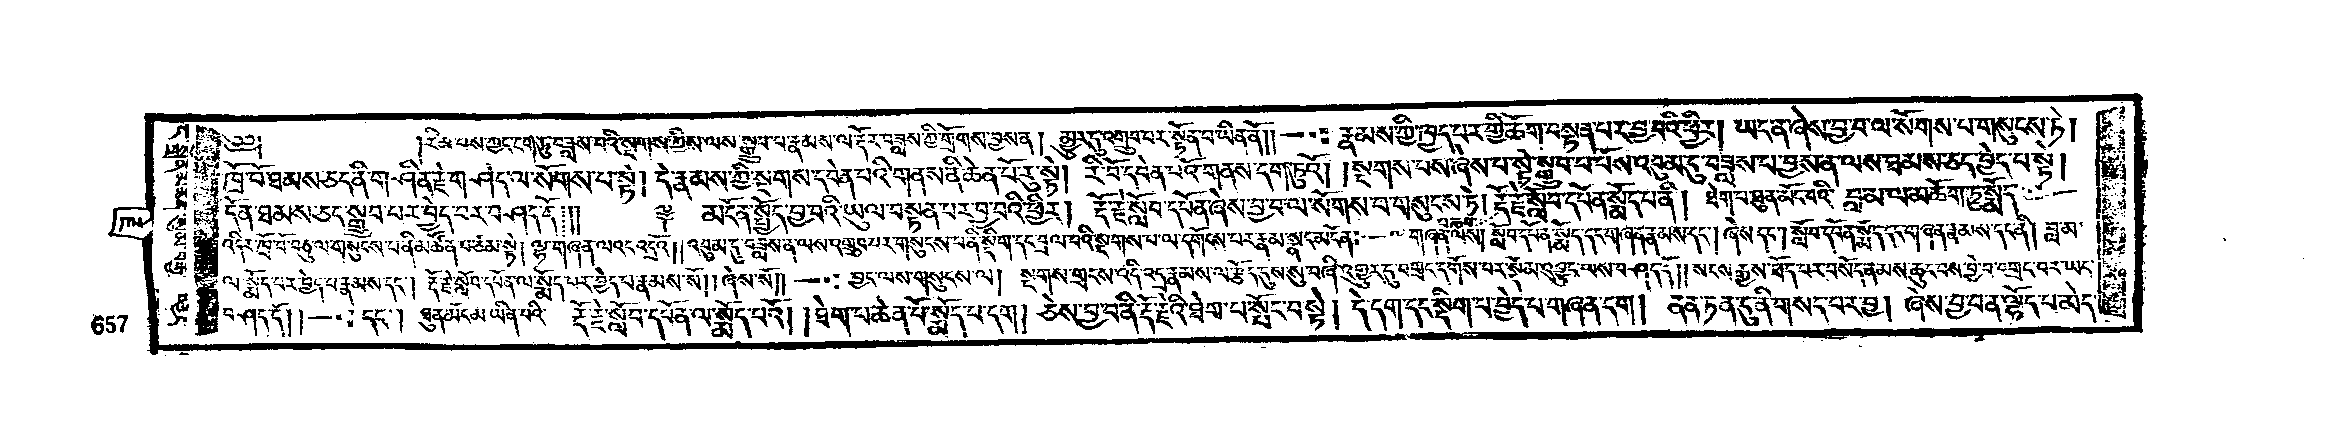༄༅། །རིམ་པས་ཀྱང་ངག་ཏུ་བཟླས་པའི་སྔགས་ཀྱིས་ལས་སྒྲུབ་པ་རྣམས་ལ་རྡོར་བཟླས་ཀྱི་གྲོགས་བྱས་ན། མྱུར་དུ་འགྲུབ་པར་སྟོན་པ་ཡིན་ནོ།།.Hརྣམས་ཀྱི་ཁྱད་པར་གྱི་ཆོག་བསྟན་པར་བྱ་བའི་ཕྱིར། ཡང་ན་ཞེས་བྱ་བ་ལ་སོགས་པ་གསུངས་ཏེ།
ཁྲོ་བོ་ཐམས་ཅད་ནི་གཤིན་རྗེ་གཤེད་ལ་སོགས་པ་སྟེ། དེ་རྣམས་ཀྱི་སྔགས་དབེན་པའི་གནས་ནི་ཆེན་པོ་རུ་སྟེ། རི་བོ་དབེན་པའི་གནས་དག་ཏུའོ། །སྔགས་པས་ཞེས་པ་སྟེ་སྒྲུབ་པ་པོས་འབུམ་དུ་བཟླས་པ་བྱས་ན་ལས་ཐམས་ཅད་བྱེད་པ་སྟེ།
དོན་ཐམས་ཅད་སྒྲུབ་པར་བྱེད་པར་བཤད་དོ།། ༈ མངོན་སྤྱོད་བྱ་བའི་ཡུལ་བསྟན་པར་བྱ་བའི་ཕྱིར། རྡོ་རྗེ་སློབ་དཔོན་ཞེས་བྱ་བ་ལ་སོགས་པ་གསུངས་ཏེ། རྡོ་རྗེ་སློབ་དཔོན་སྨོད་པ་ནི། ཐེག་པ་ཐུན་མོང་བའི་བླ་མ་ལ་མཆོག་ཏུ་སྨོདཿ
འདིར་ཁྲོ་བོ་བཅུ་ལ་གསུངས་པ་ནི་མཚོན་པ་ཙམ་སྟེ། ལྷ་གཞན་ལའང་འདྲའོ། །འབུམ་དུ་བཟླས་ན་ལས་འགྲུབ་པར་གསུངས་པ་ནི་སྡིག་དང་བྲལ་བའི་སྔགས་པ་ལ་དགོངས་པར་རྣམ་སྣང་མངོནཿགཞན་ལས། སློབ་དཔོན་སྨོད་དང་གཞན་རྣམས་དང་། ཞེས་དང་། སློབ་དཔོན་སྨོད་དང་གཞན་རྣམས་དང་ནི། བླ་མ་
ལ་སྨོད་པར་བྱེད་པ་རྣམས་དང་། རྡོ་རྗེ་སློབ་དཔོན་ལ་སྨོད་པར་བྱེད་པ་རྣམས་སོ། །ཞེས་སོ། །.Hབྱང་ལས་གསུངས་ལ། སྔགས་གྲངས་འདི་འདྲ་རྣམས་ལ་རྩོད་དུས་སུ་བཞི་འགྱུར་དུ་བགྲང་དགོས་པར་སྡོམ་འབྱུང་ལས་བཤད་དོ། །སངས་རྒྱས་ཐོད་པར་བསོད་ནམས་ཆུང་བས་བྱེ་བ་བགྲང་བར་ཡང
བཤད་དོ།། .Hདང་། ཐུན་མོང་མ་ཡིན་པའི་རྡོ་རྗེ་སློབ་དཔོན་ལ་སྨོད་པའོ། །ཐེག་པ་ཆེན་པོ་སྨོད་པ་དག །ཅེས་བྱ་བ་ནི་རྡོ་རྗེའི་ཐེག་པ་སྤོང་བ་སྟེ། དེ་དག་དང་སྡིག་པ་བྱེད་པ་གཞན་དག །ནན་ཏན་དུ་ནི་གསད་པར་བྱ། ཞེས་བྱ་བ་ནི་ལྷོད་པ་མེད་